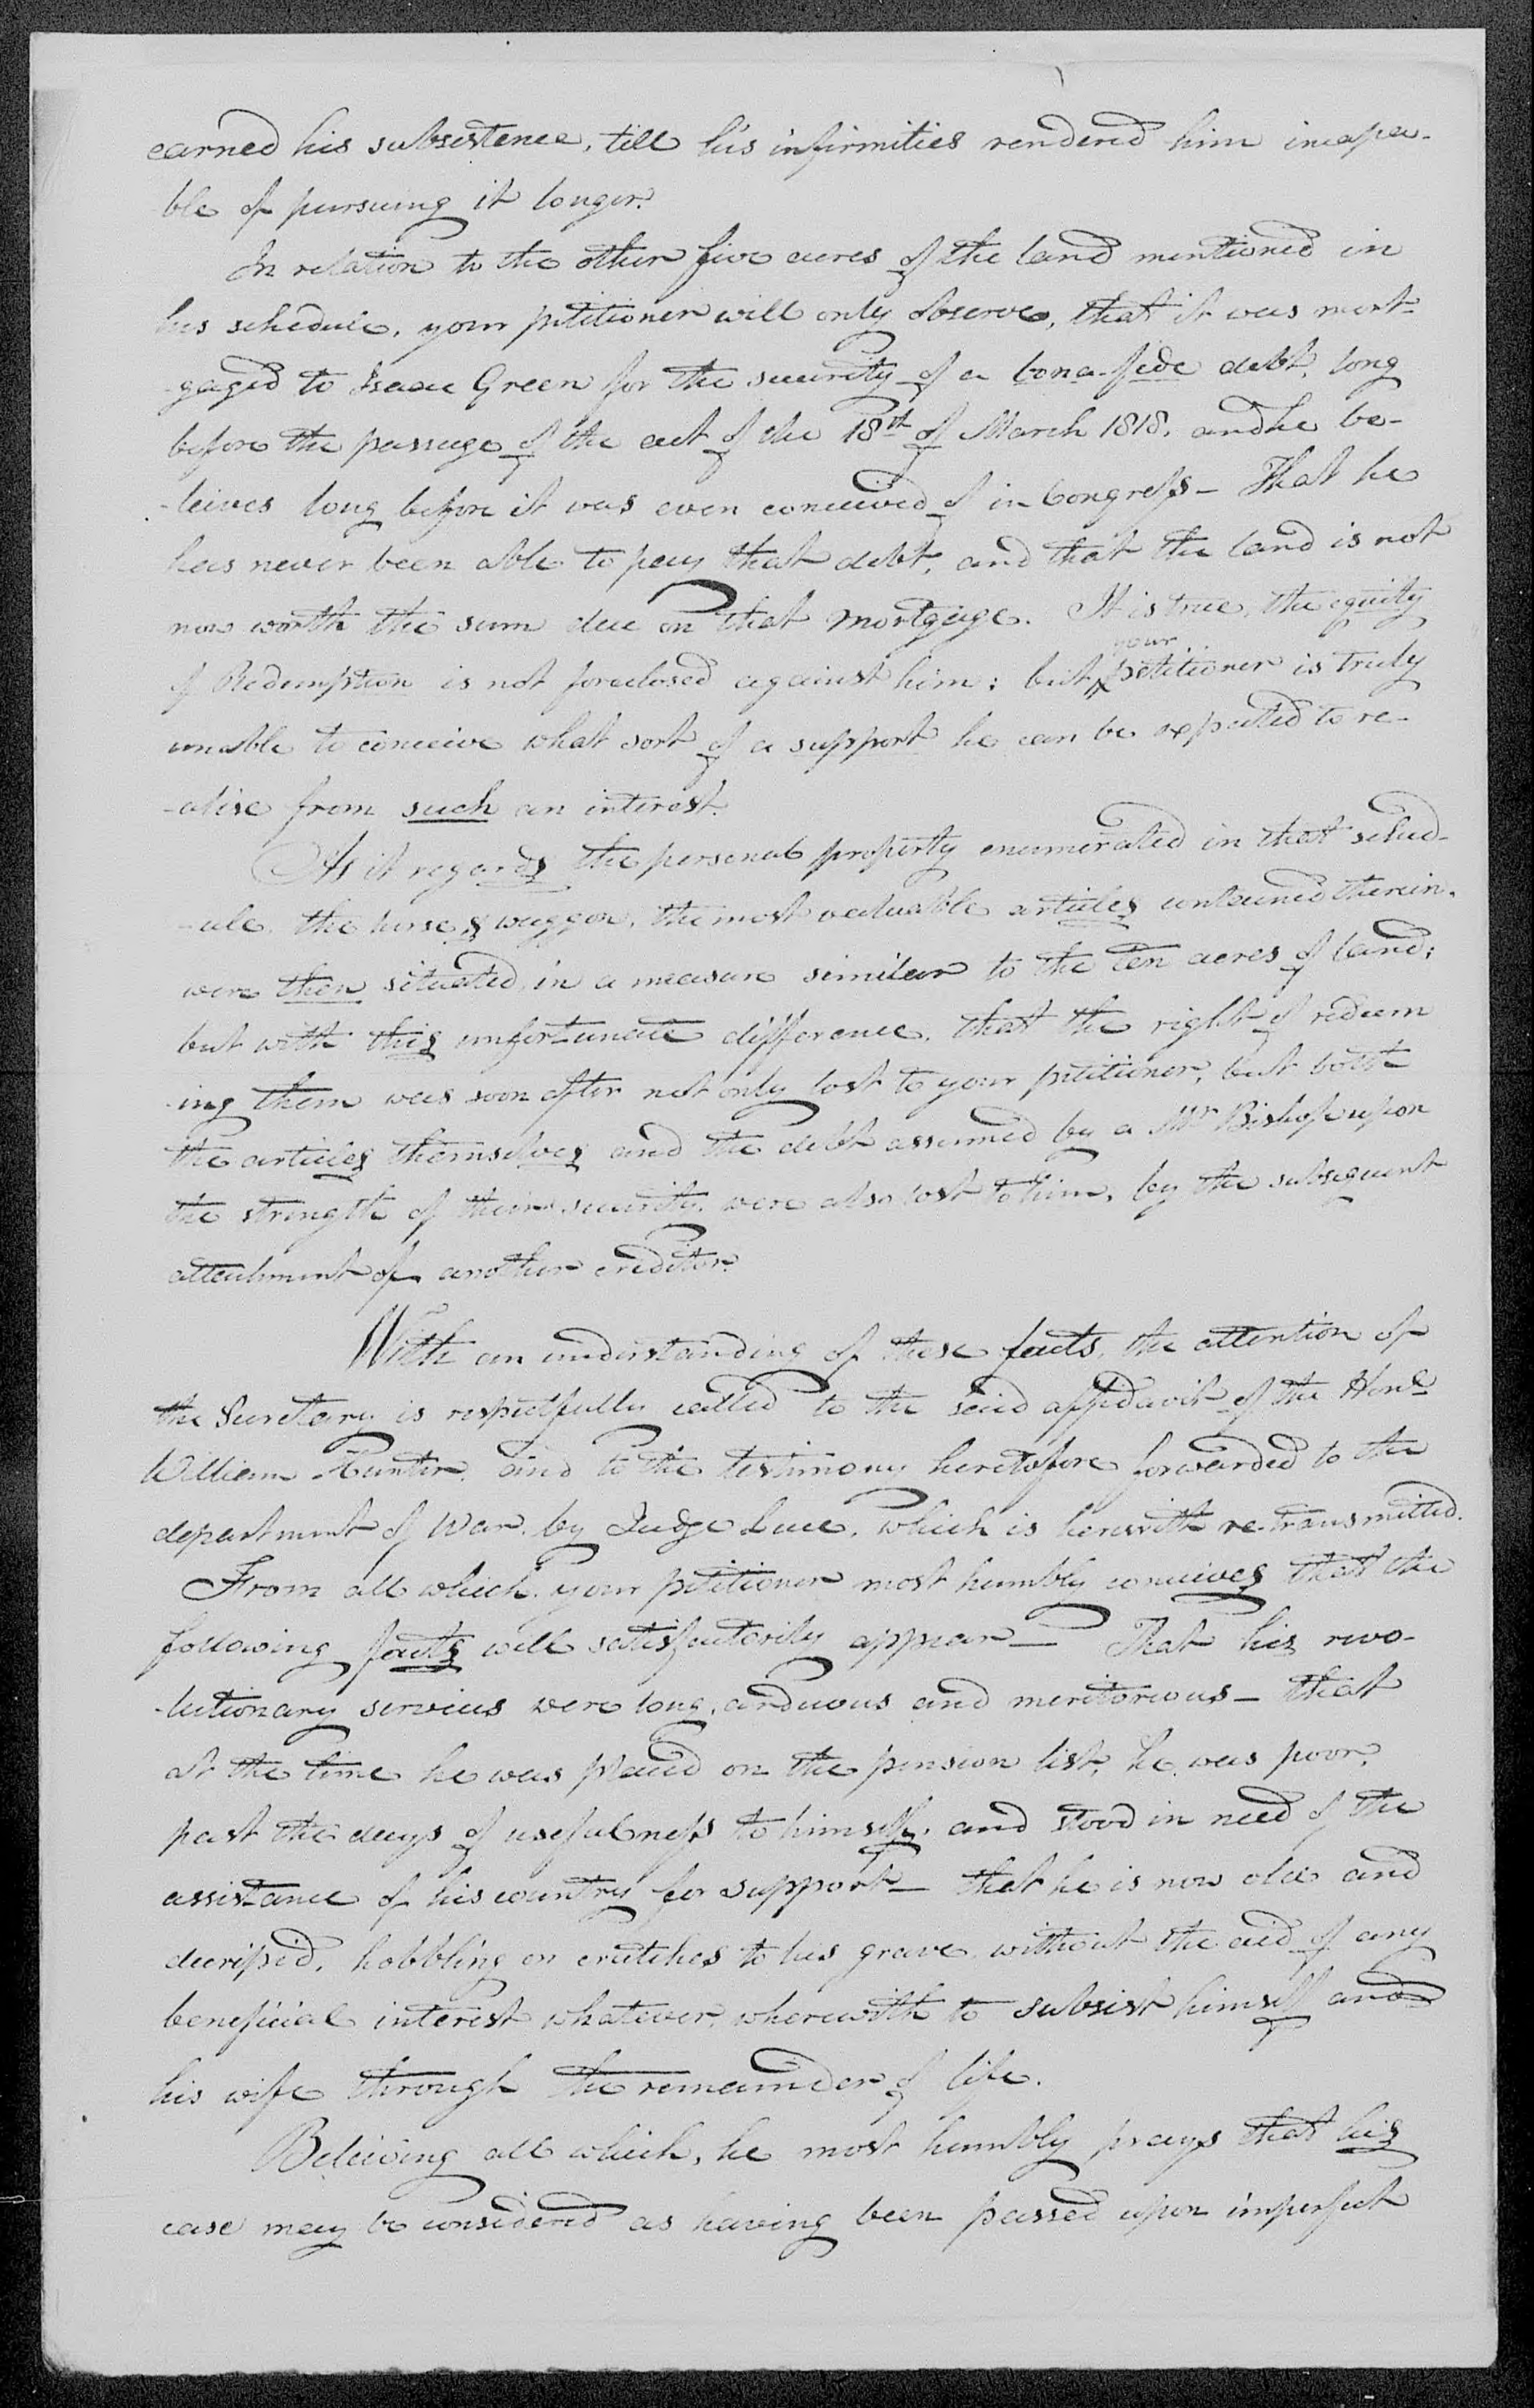earned his subsertance, till his infirmities rendered him incapable of pursuing it longer. 
In relation to the other five aces of the land mentioned in his schedule, your petitioner will only observe that it was mortgaged to Isaac Green for the security of a bona fide debt long before the passage of the4 act of the 18th of March 1818 and he believes long before it was even conceived of in Congress. That he has never been able to pay that debt and that the land is not now worth the sum due on that mortgage. It is true the equity of redemption is not foreclosed against him; but your petitioner is truly unable to conceive what sort of a support he can be reputed to realize from such an interest. 
As it regards the personal property enumerated in that schedule the horse and waggon, the most valuable articles entered therein were then situated in a measure similar to the ten acres of land; but with this unfortunate difference, that the right of redeeming them was soon after not only lost to your petitioner, but both the articles themselves and the debt assumed by a Mr Bishop on the strength of their security were also lost to him, by the subsequent attachment of another creditor. 
With an understanding of these facts, the attention of the Secretary is respectfully called to he said affidavit of the Honl. William Hunter  and to the testimony heretofore forwarded to the department of war by Judge Luce which is herewith re-transmitted. From all which your petitioner most humbly conceives that the following facts will satisfactorily appear. That his revolutionary services we long, arduous, and meritorious. That at the time he was placed on the pension list, he was poor past the days of usefulness to himself, and stood in need of the assistance of his country for support. That he is now old and decrepit, hobbles on crutches to his grave, without the aid of any beneficial interest, whatsoever wherewith to subsist himself and his wife through the remainder of life. 
Believing all which, he most humbly prays that his case may be considered as having been passed upon imperfect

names: Bishop, Isaac Green, William Hunter, Luce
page: 35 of 83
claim: widow's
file: W. 10,384, Oliver Barrett, Continental (Vt.) N.Y.